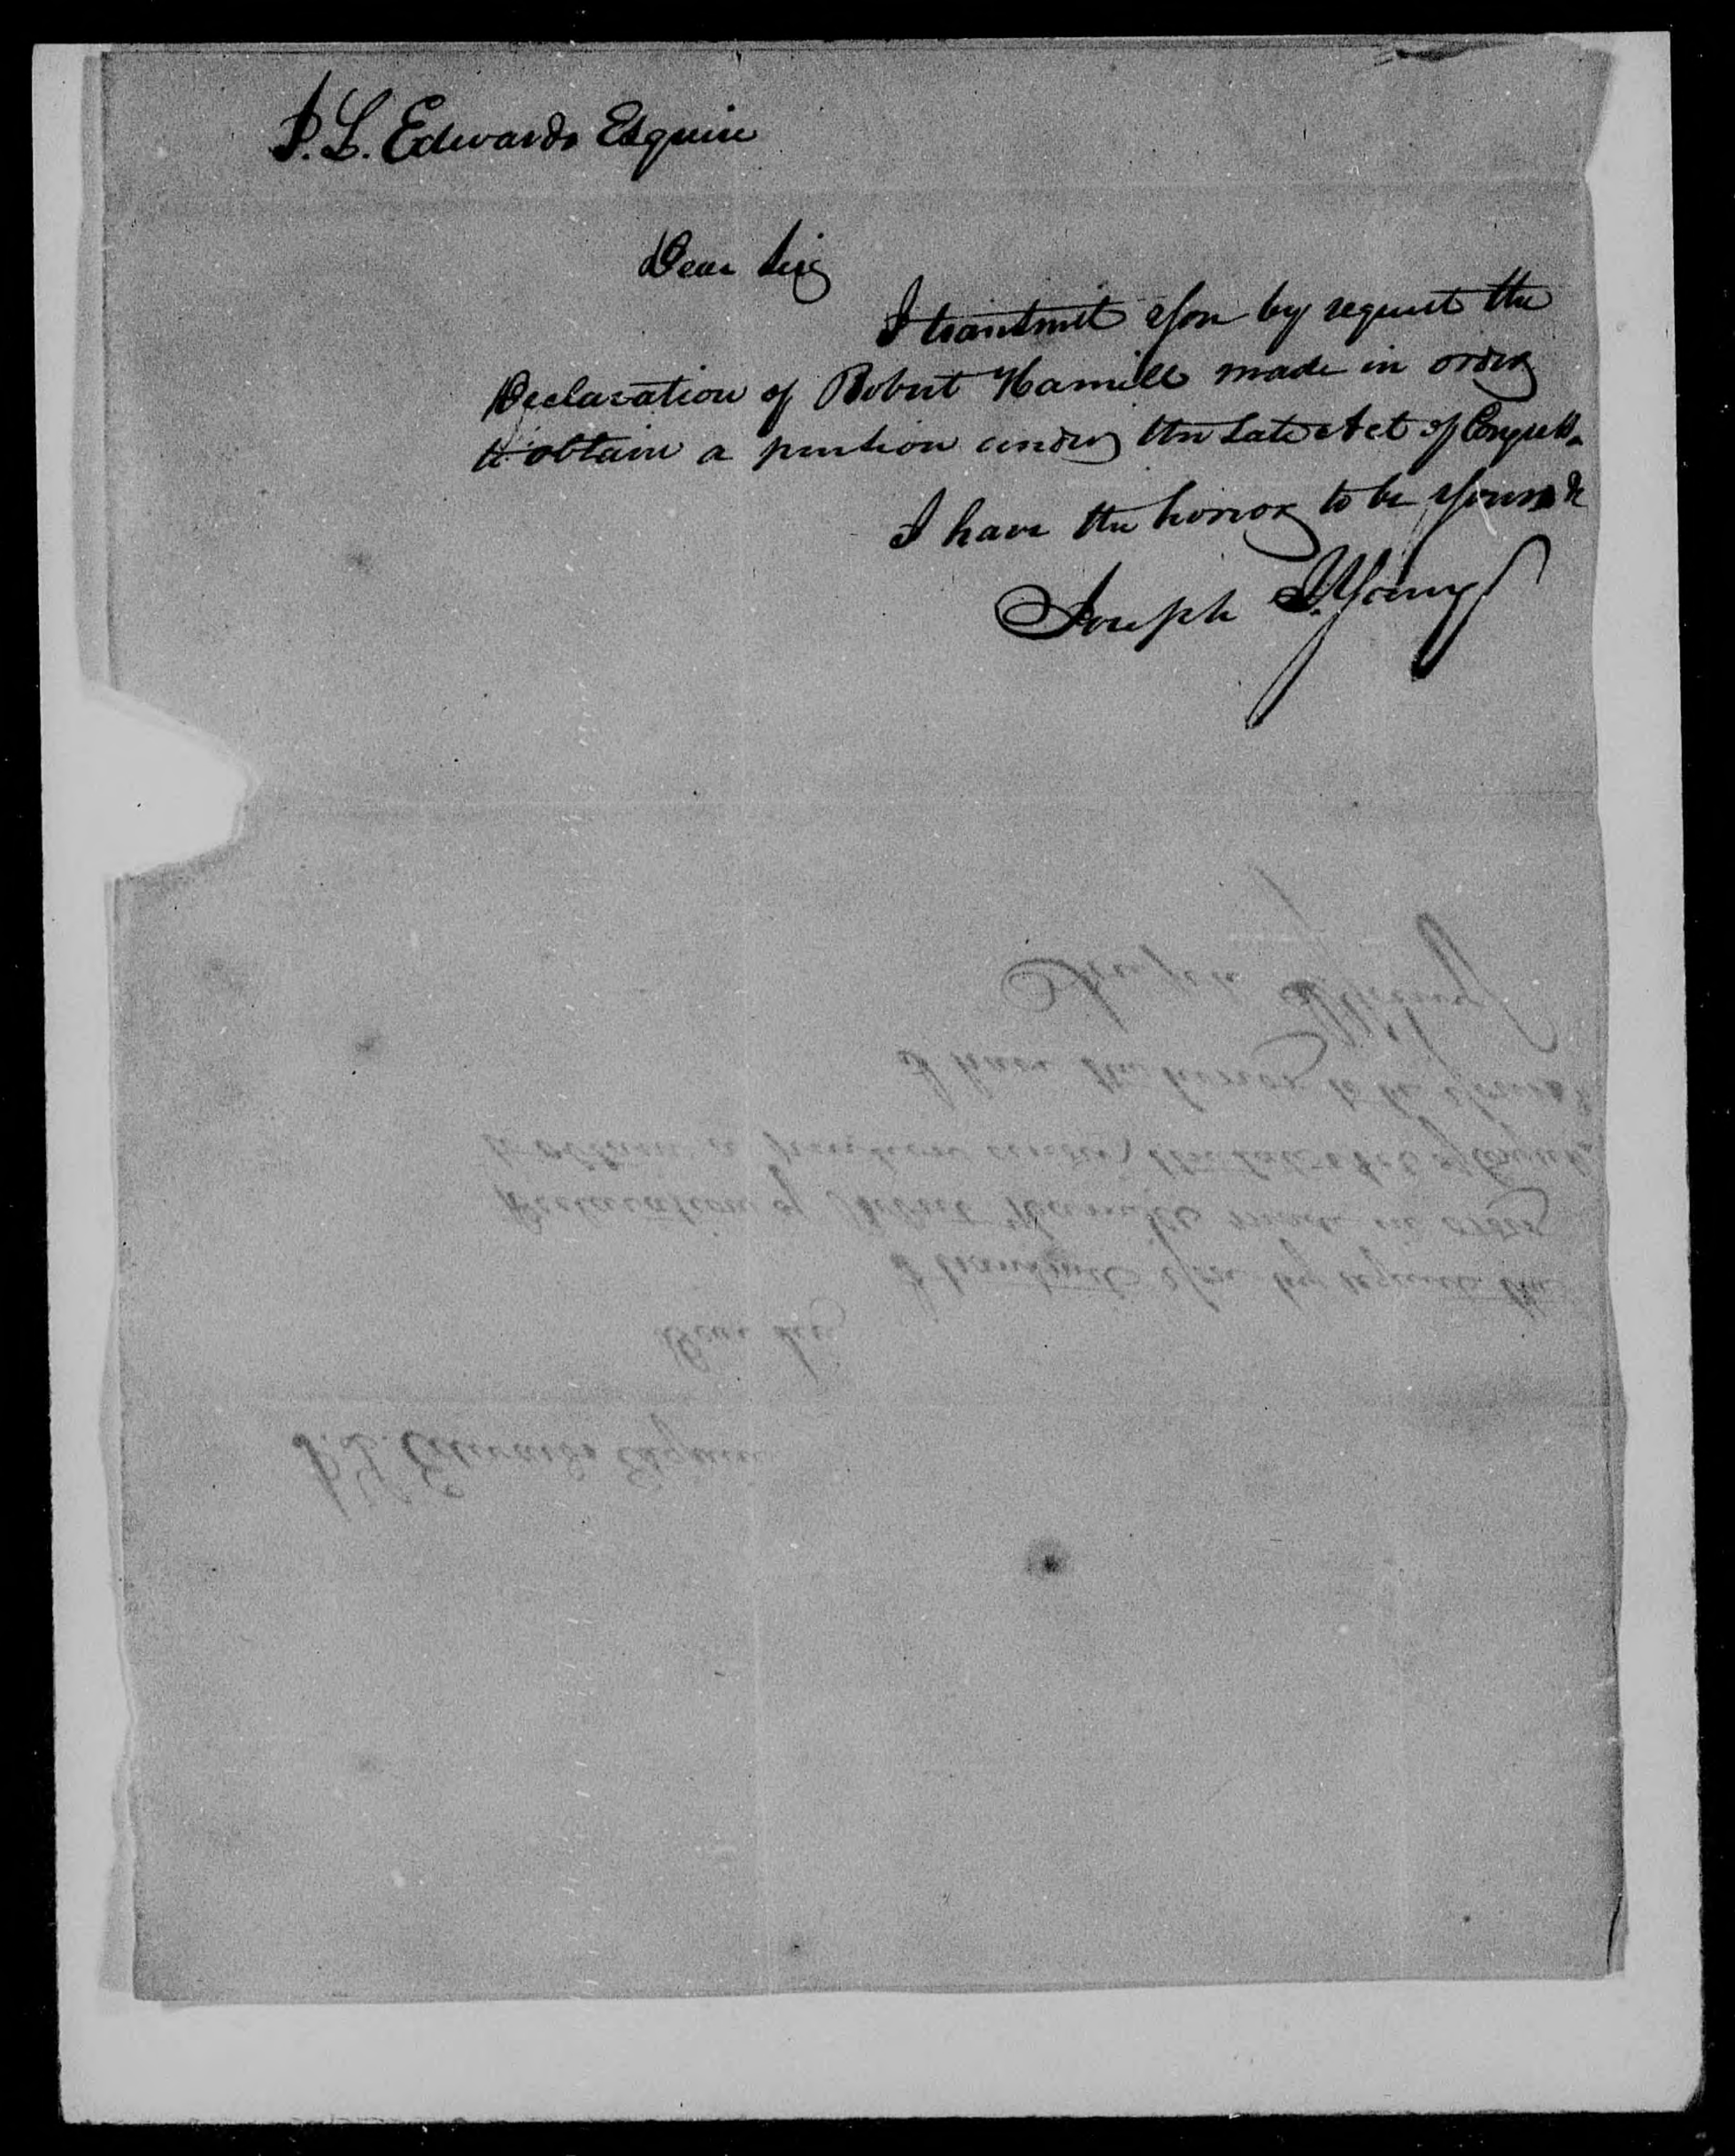J.L. Edwards Esquire

Dear Sir;

I transmit for by request the Declaration of Robert Hamill made in order to obtain a pension
 under the late Act of Congress.

I have the honor to be yours
Joseph J Young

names: Joseph J Young, Robert Hamill, J L Edwards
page: 86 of 92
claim: widow's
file: W 1173, Robert Hamill, Penn.